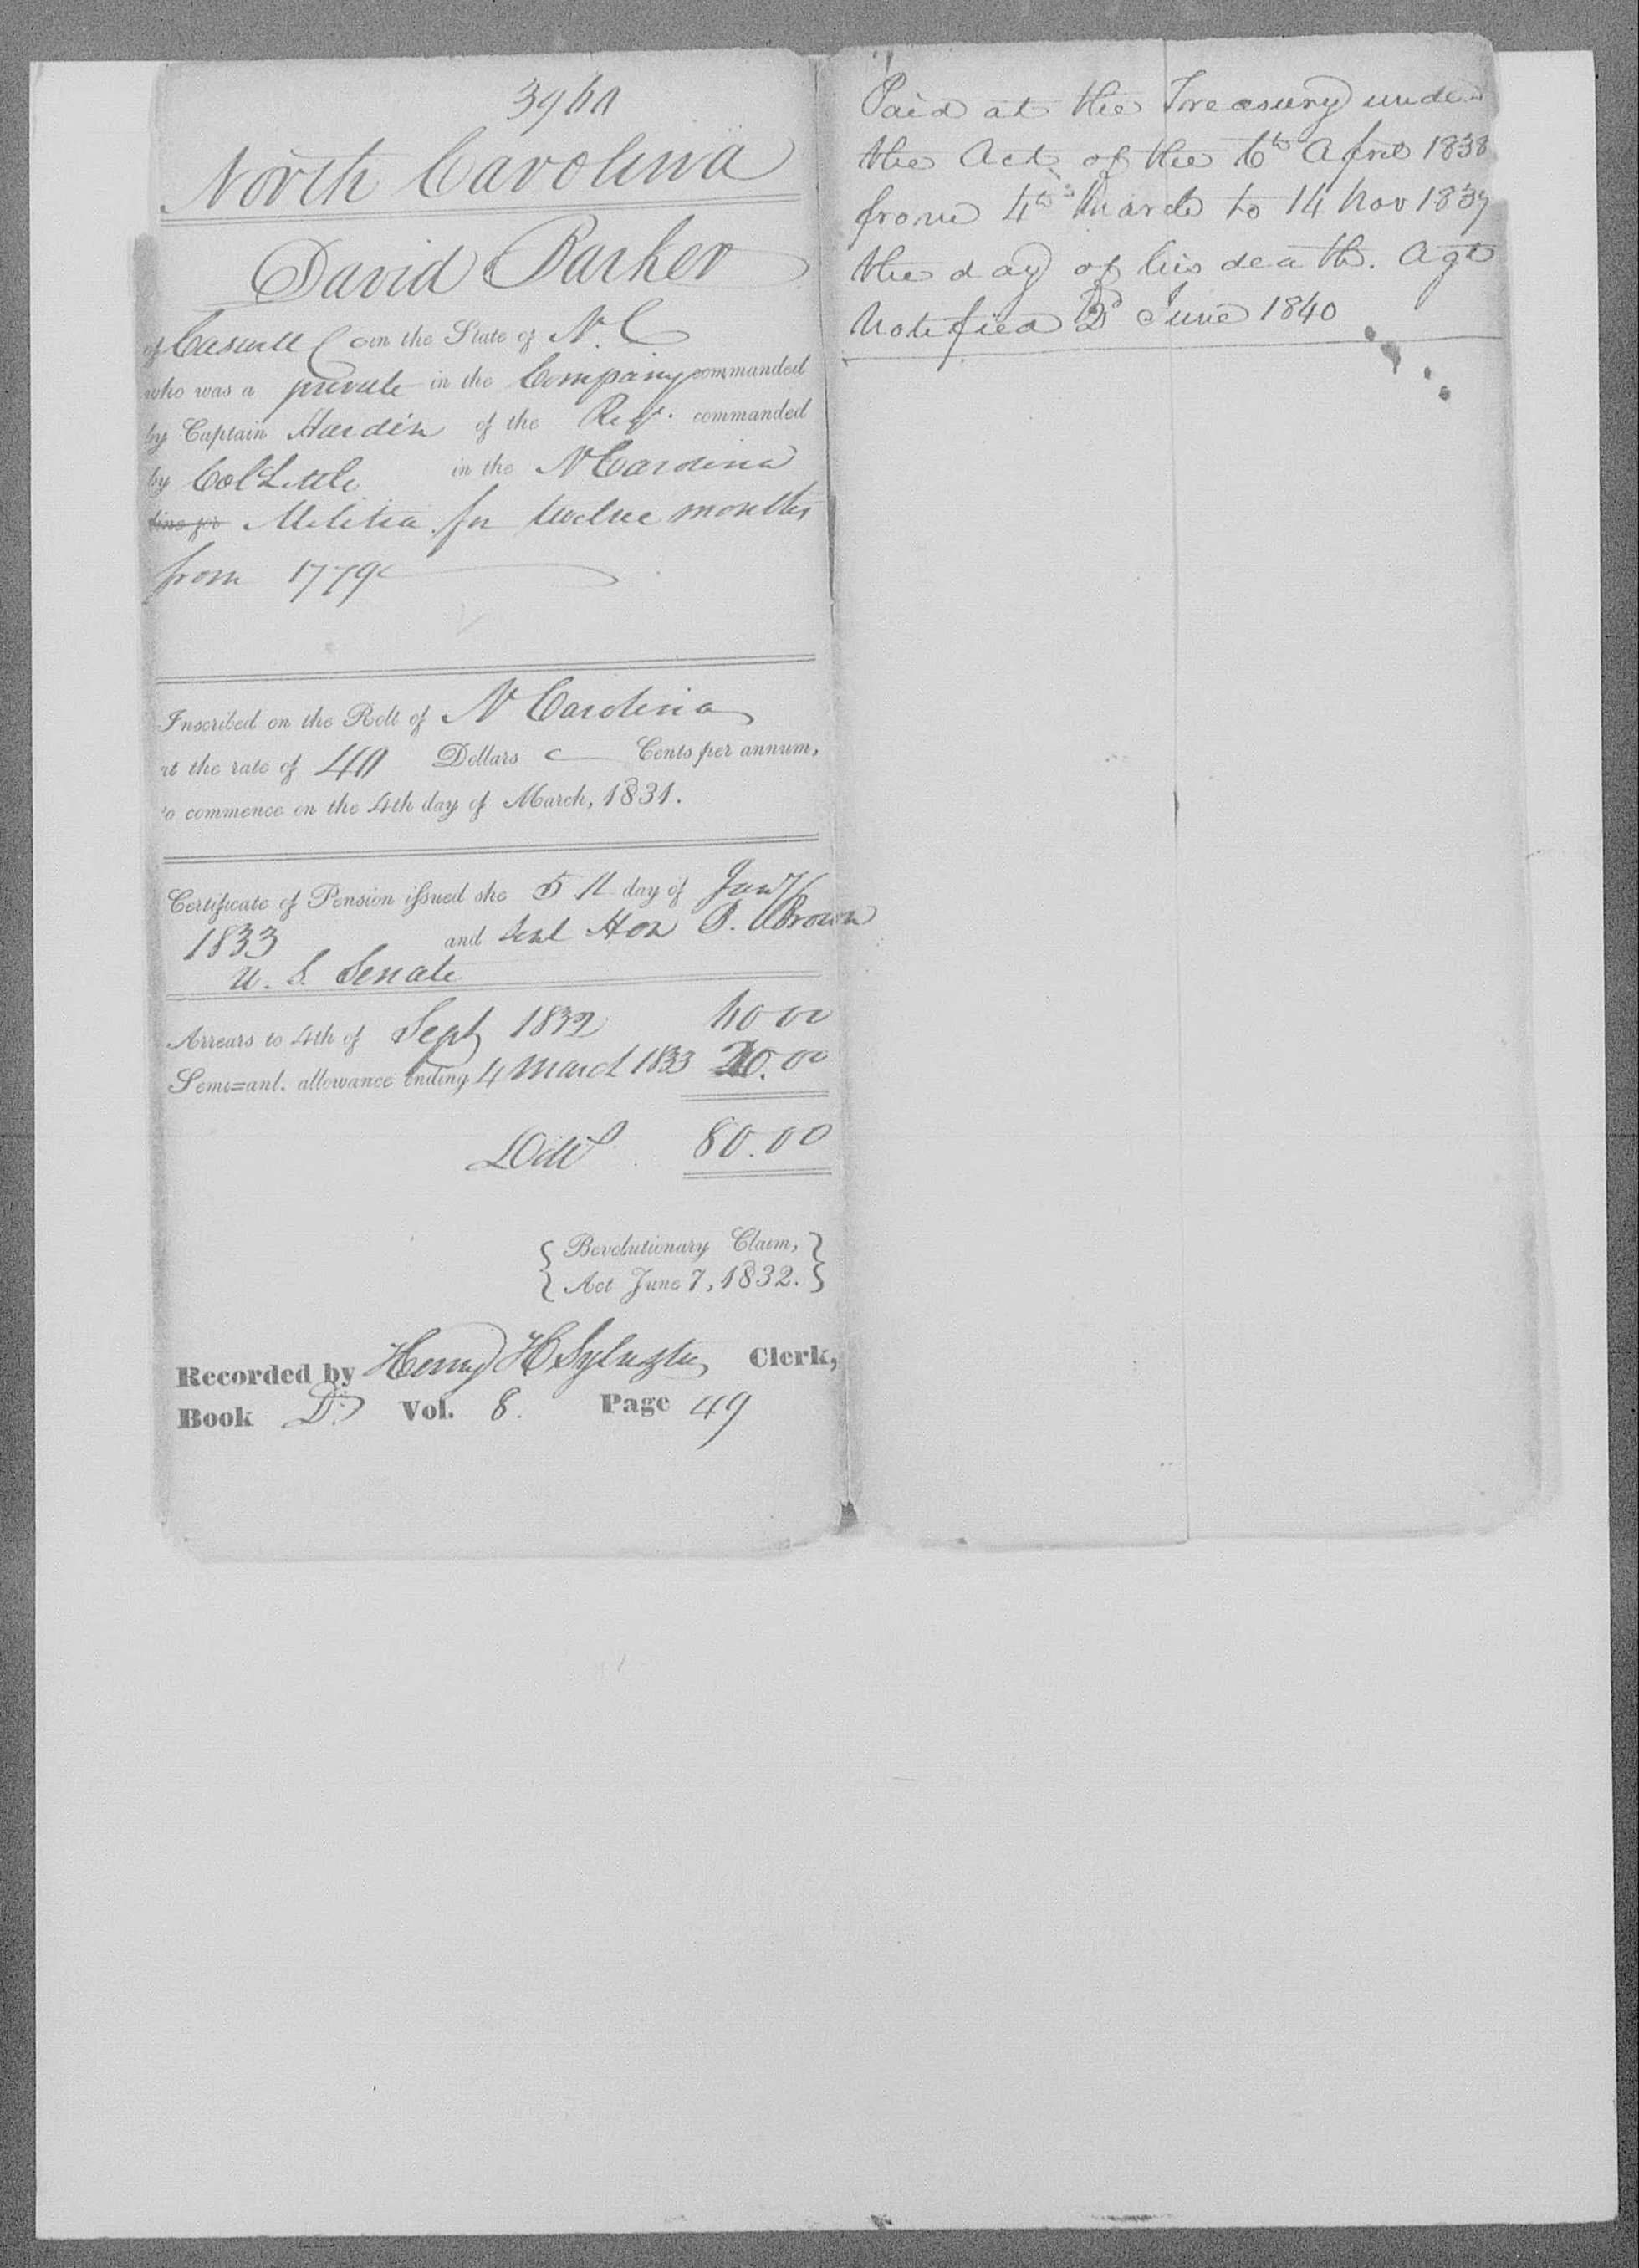[typed form, with handwritten responses]

396[a?]
North Carolina
David Parker
of Caswell Co. in the State of N.C.
who was a private in the Company commanded
by Captain Hardin of the Regt [Regiment] commanded
by Col. Little in the N. Carolina
[crossed out - line for] Militia for twelve months from 1779

Inscribed on the Roll of N. Carolina
at the rate of 40 Dollars - Cents per annum,
to commence on the 4th day of March 1831.

Certificate of Pension issued the 5th day of Jan 1833
and sent Hon B. Brown U.S. Senate

Arrears to the 4th of Sept. 1832 - 60.00
Semi=anl. allowance ending 4 Mar 1833 20.00
[Illegible] 80.00
{Revolutionary Claim}
{Act June 7, 1832}
Recorded by Henry H Sylvester, Clerk
Book D Vol. 8 Page 49

[right side of page] Paid at the Treasury under the Act of the 6th April 1838 from 4th March to 14 Nov. 1839 the day of his death. Age Notified 2d June 1840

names: David Barker, Hardin, Little, Henry H Sylvester, B Brown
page: 2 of 23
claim: survivor's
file: S. 6560, David Barker, N.C.